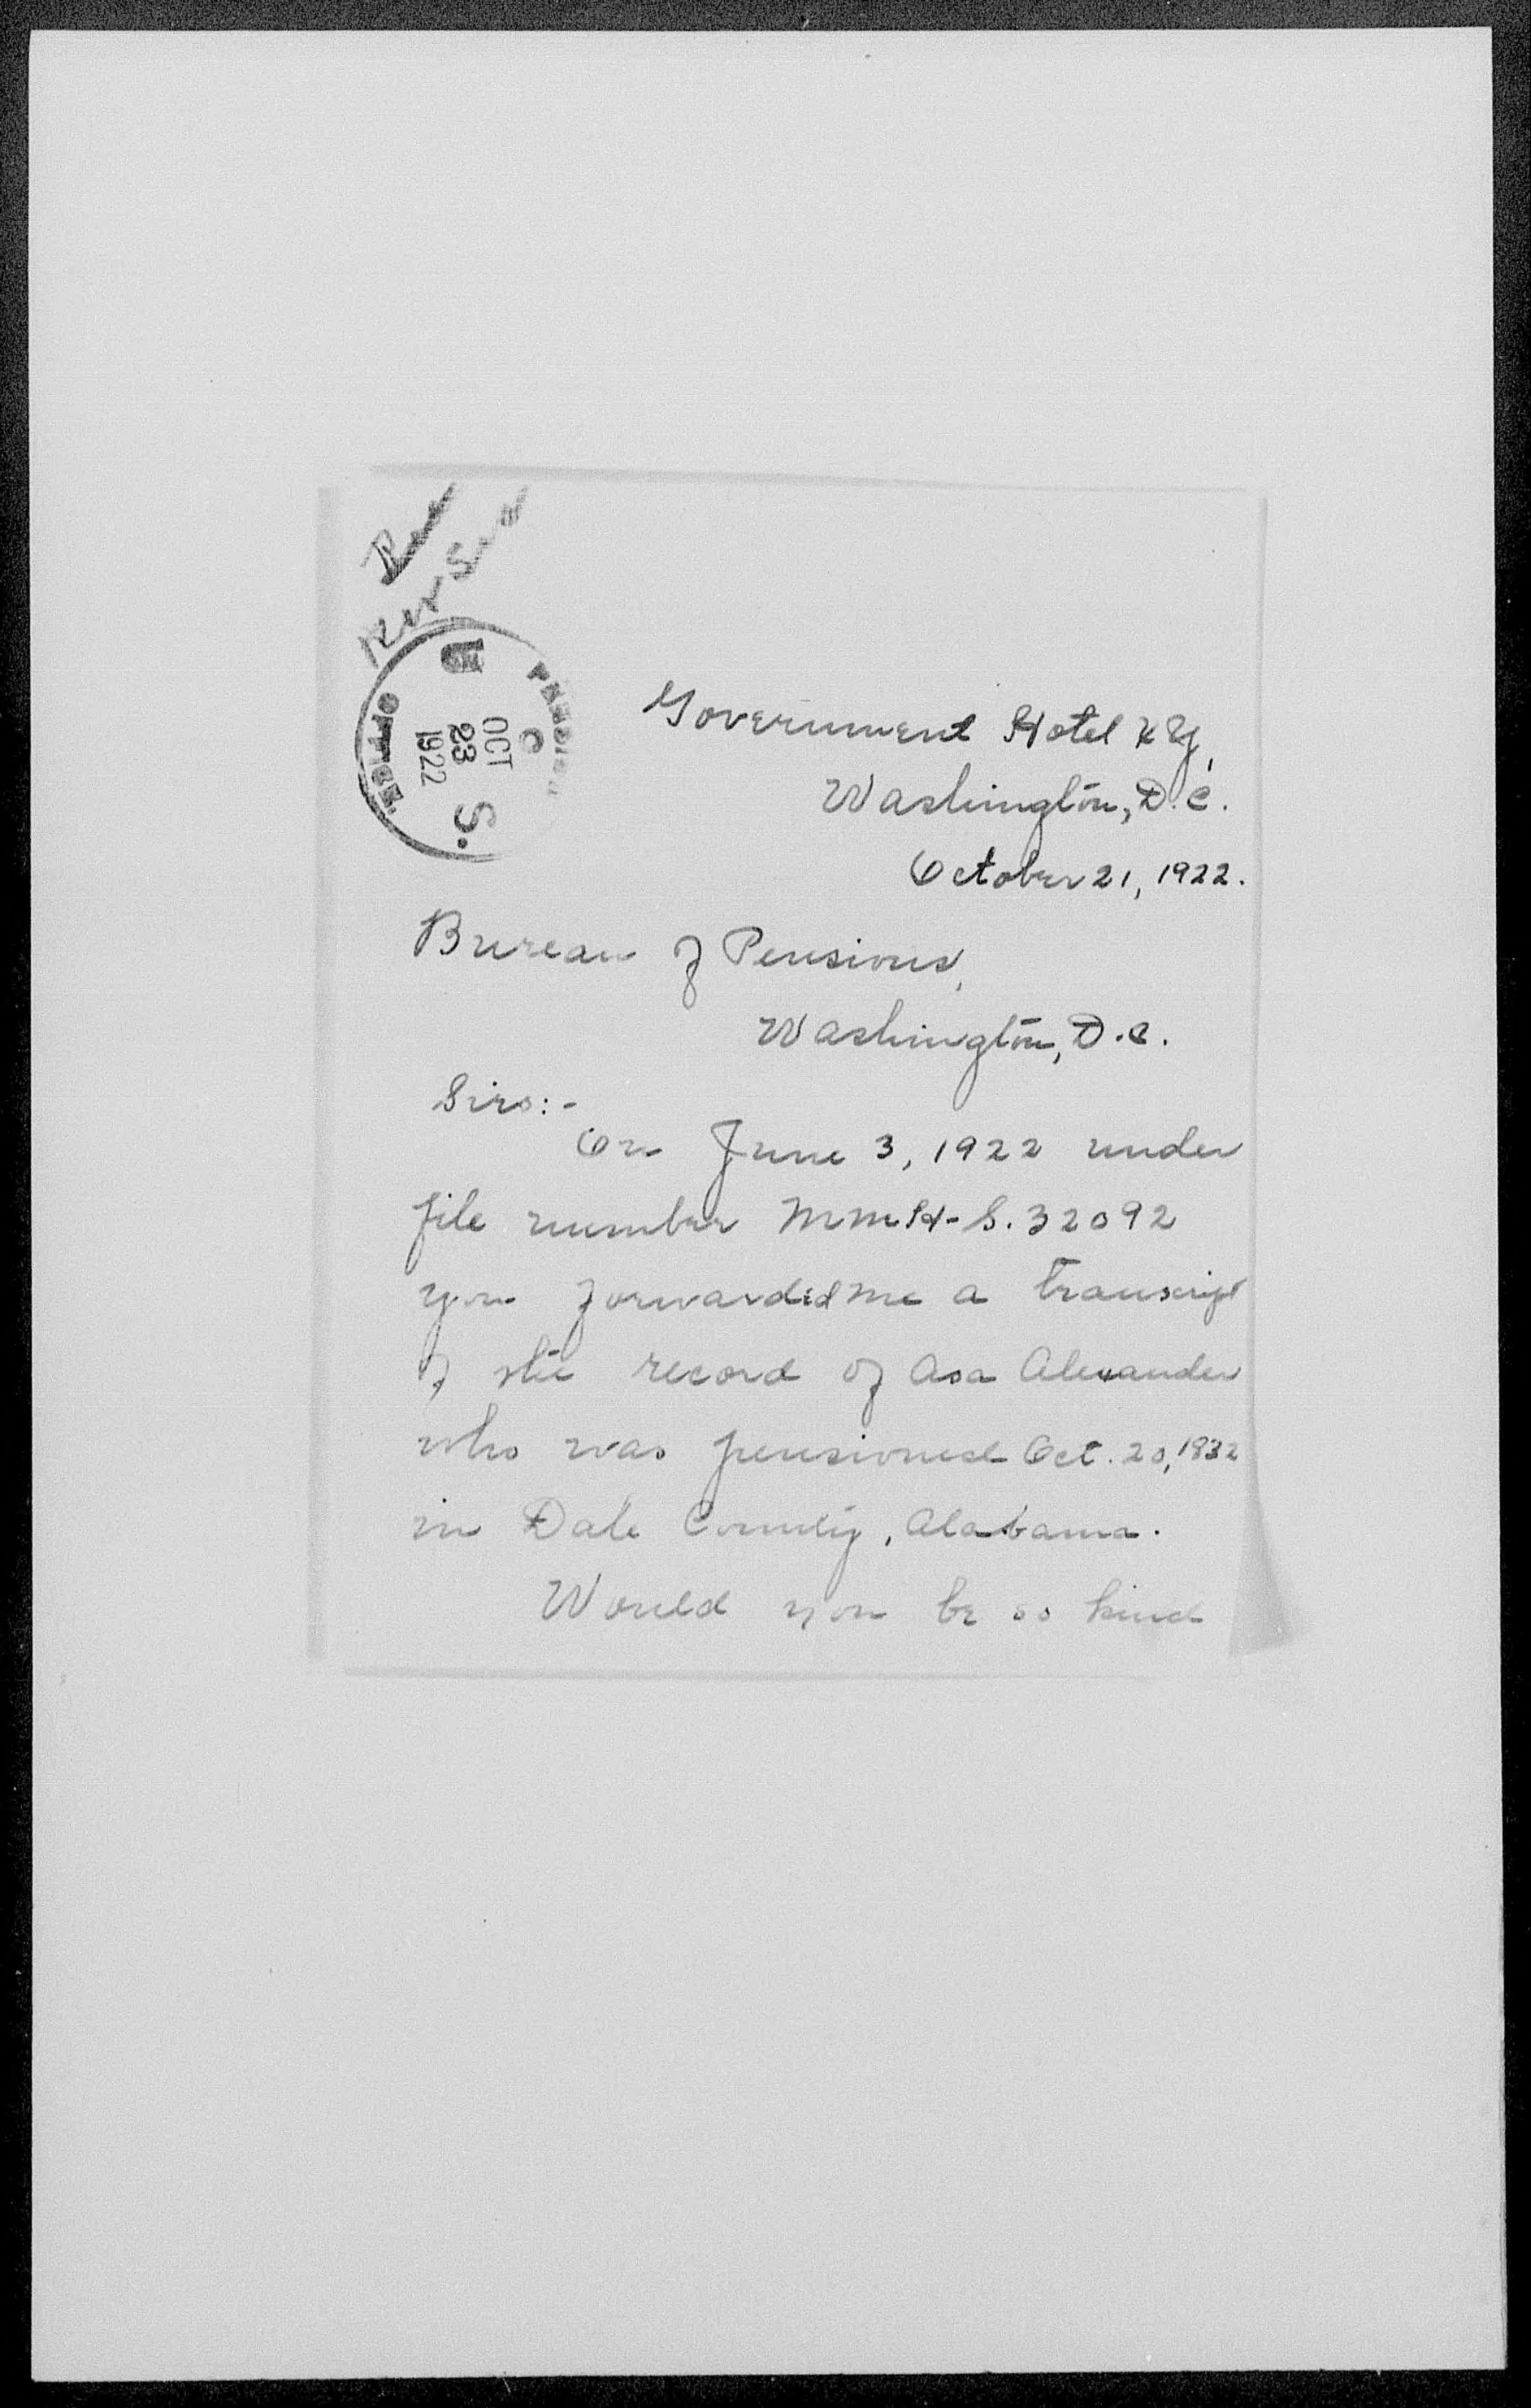Rev. Sect.

[Stamped in upper left corner: "US PENSION OFFICE O OCT 23 1922"]

Government Hotel XY,
Washington, D.C.
October 21, 1922

Bureau of Pensions,
Washington, D. C.

Sirs: - 

On June 3, 1922 under
file number MM [illegible] .32092
you forwarded me a transcript
of the record of Asa Alexander
who was pensioned Oct. 20, 1932
in Dale County, Alabama.

Would you be so kind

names: Asa Alexander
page: 28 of 35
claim: survivor's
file: S. 32092, Asa Alexander, Ga.